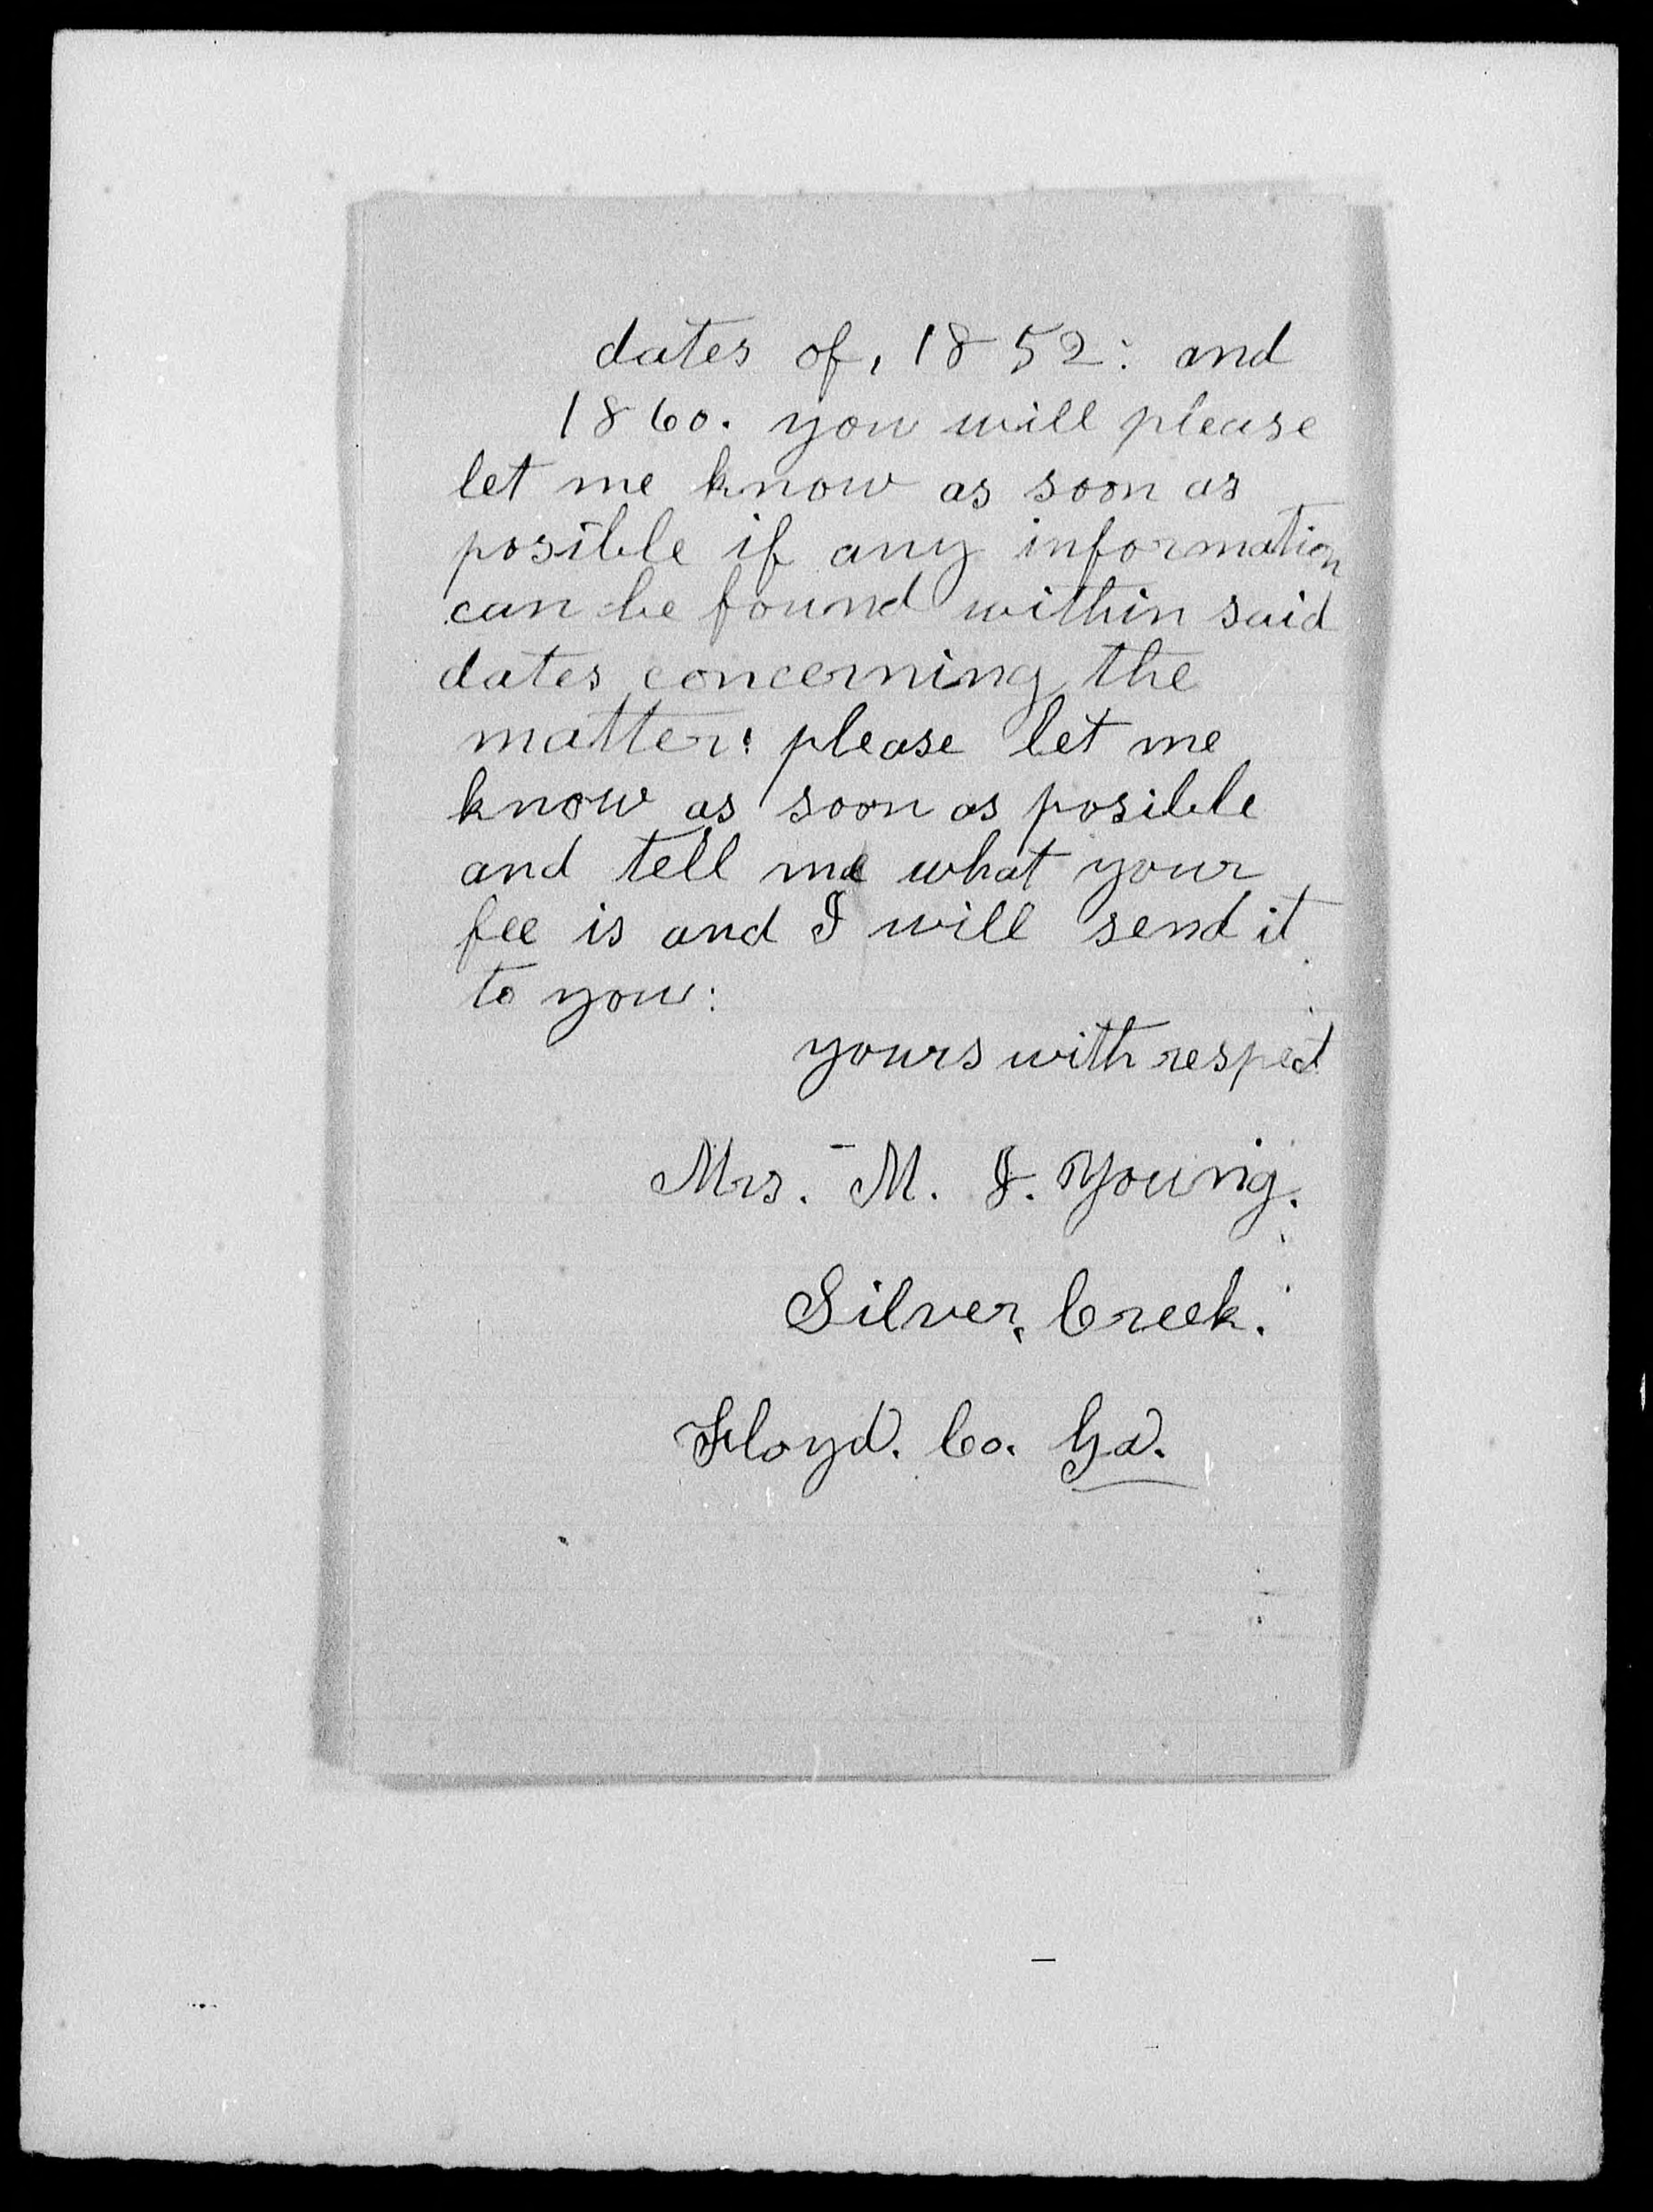dates of, 1852: and 1860. You will please let me know as soon as possible if any information can be found within said dates concerning the matter. please let me know as soon as possible and tell me what your fee is and I will send it to you:
yours with respect
Mrs. M. J. Young
Silver Creek
Floyd Co. G.A.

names: M J Young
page: 32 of 32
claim: rejected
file: R. 4655, Jesse Harris, N.C.